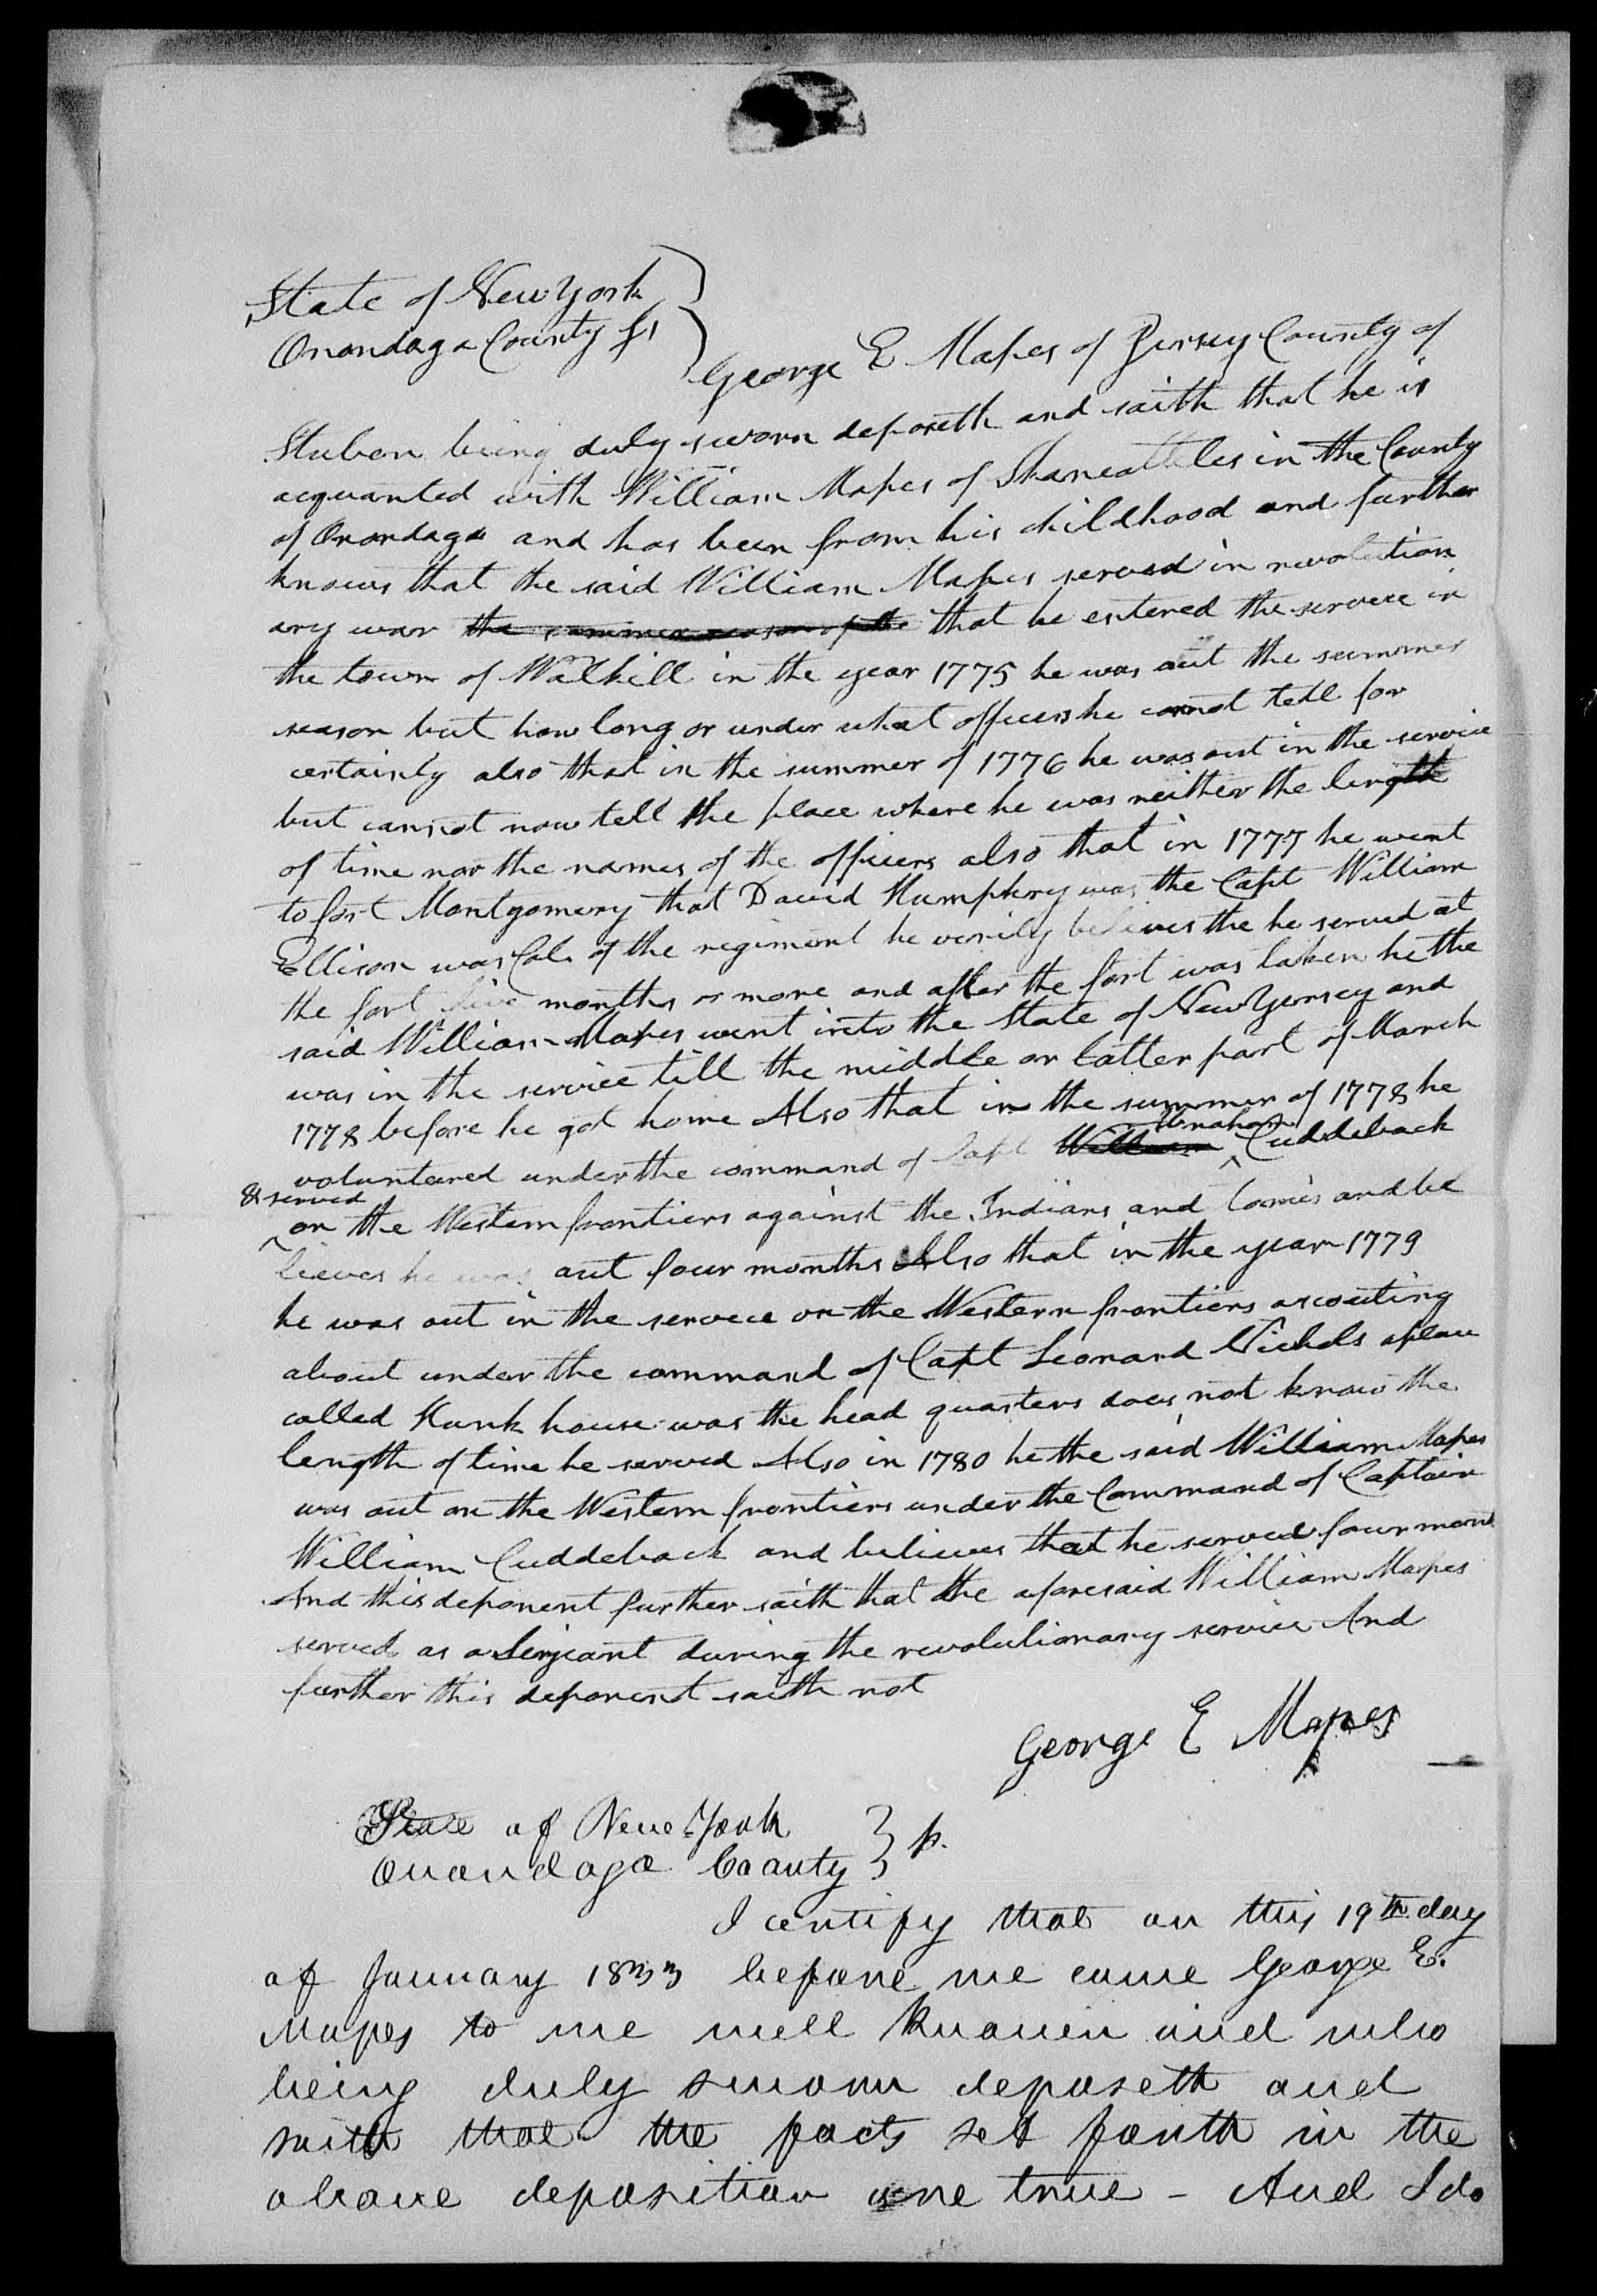State of New York
 Onondaga County ss 

George E Mapes of Jersey County of Stuben ing duly sworn deposeth and saith that he is acquainted with William Mapes of Skaneathles in the County of Onondaga and has been from his childhood and further knows that the said William Mapes served in revolutionary war that he entered the service in the town of Walkill in the year 1775 he was out the summer season but how long or under what officers he cannot tell for certainty also that in the summer of 1776 he was out in the service but cannot now tell the place where he was neither the length of time now the names of the officers also that in 1777 he went to fort Montgomery that David Humphry was the Capt William Ellison was Col of the regiment he verily believes the he served at the fort five months or more and after the fort was taken he the said William Mapes went into the State of New Jersey and was in the service till the middle or latter part of March 1778 before he got home 
Also that in the summer of 1778 he volunteered under the command of Capt [illegible][William crossed out] Cuddeback & served  on the Western frontiers against the Indians and tories and believes he was out four months also that in the year 1779 he was out in the service on the Western frontiers [scouting?] about under the command of Capt Leonard Nichols a place called Hank house was the head quarters does not know the length of time he served 
Also in 1780 he the said William Mapes was out on the Western frontiers under the command of Captain William Cuddeback and believes that he served four months 
And this deponent further saith that the aforesaid William Mapes served as a Serjeant during the revolutionary service and further this deponent saith not 
George E Mapes 

State of New York} 
Onondaga County } ss

I certify that on this 19th day of January 1833 before me came George E. Mapes to me well known and who being duly sworn deposeth and with that the facts set forth in the above deposition are true -    And I do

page: 8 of 30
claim: survivor's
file: S. 13,873, for William Mapes, New York